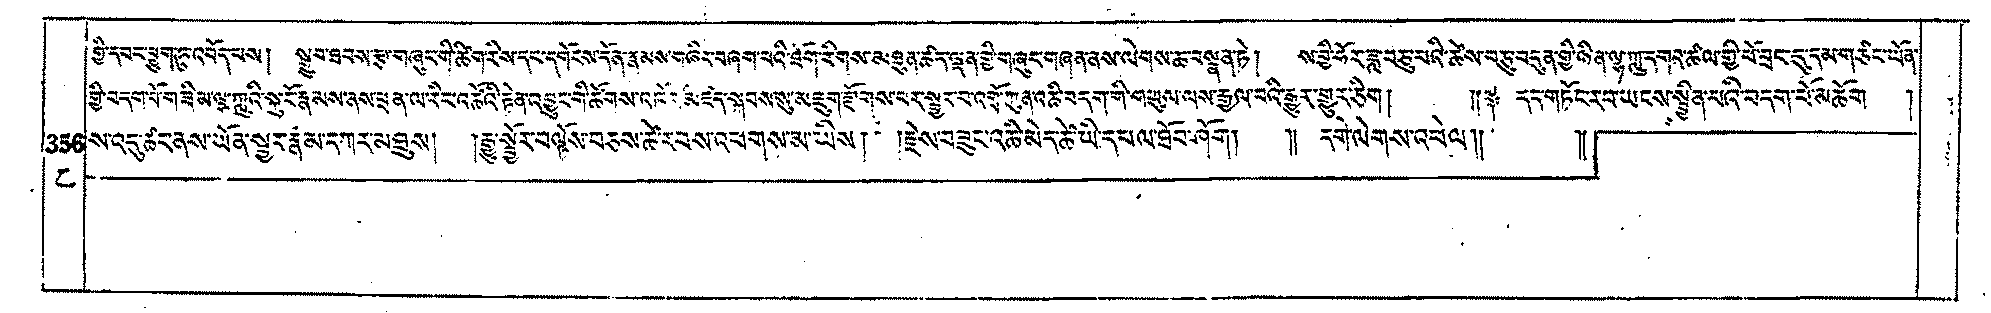གྱི་དབང་ཕྱུག་ཏུ་འབོད་པས། སྒྲུབ་ཐབས་རྩ་གཞུང་གི་ཚིག་རིས་དང་དགོངས་དོན་རྣམས་གཞིར་བཞག་པའི་ཐོག་རིགས་མཐུན་ཚད་ལྡན་གྱི་གཞུང་གཞན་ནས་ལེགས་ཆ་བསྣན་ཏེ། ས་བྱི་ཧོར་ཟླ་བཅུ་པའི་ཚེས་བཅུ་བདུན་གྱི་ཉིན་ལྷ་ཀླུ་དགའ་ཚལ་གྱི་ཕོ་བྲང་དུ་དམ་གཙང་ཡོན་
གྱི་བདག་པོ་གཟིམ་ལྷ་ཀླུའི་སྐུ་ངོ་རྣམས་ནས་ཕྲན་ལ་རིང་འཚོའི་རྟེན་འབྱུང་གི་ཚོགས་འཁོར་མཛད་སྐབས་སུ་མཇུག་རྫོགས་པར་སྦྱར་བ་འགྲོ་ཀུན་འཆི་བདག་གི་གཡུལ་ལས་རྒྱལ་བའི་རྒྱུར་གྱུར་ཅིག། །། ༈ དད་གཏོང་རབ་ཡངས་སྦྱིན་པའི་བདག་པོ་མཆོག །
ས་འདུ་ཚང་ནས་ཡོན་སྦྱར་རྣམ་དཀར་མཐུས། །རྒྱུ་སྦྱོར་བལྟོས་བཅས་ཚེ་རབས་འཕགས་མ་ཡིས། །རྗེས་བཟུང་འཆི་མེད་ཚེ་ཡི་དཔལ་ཐོབ་ཤོག། །།དགེ་ལེགས་འཕེལ།། །།